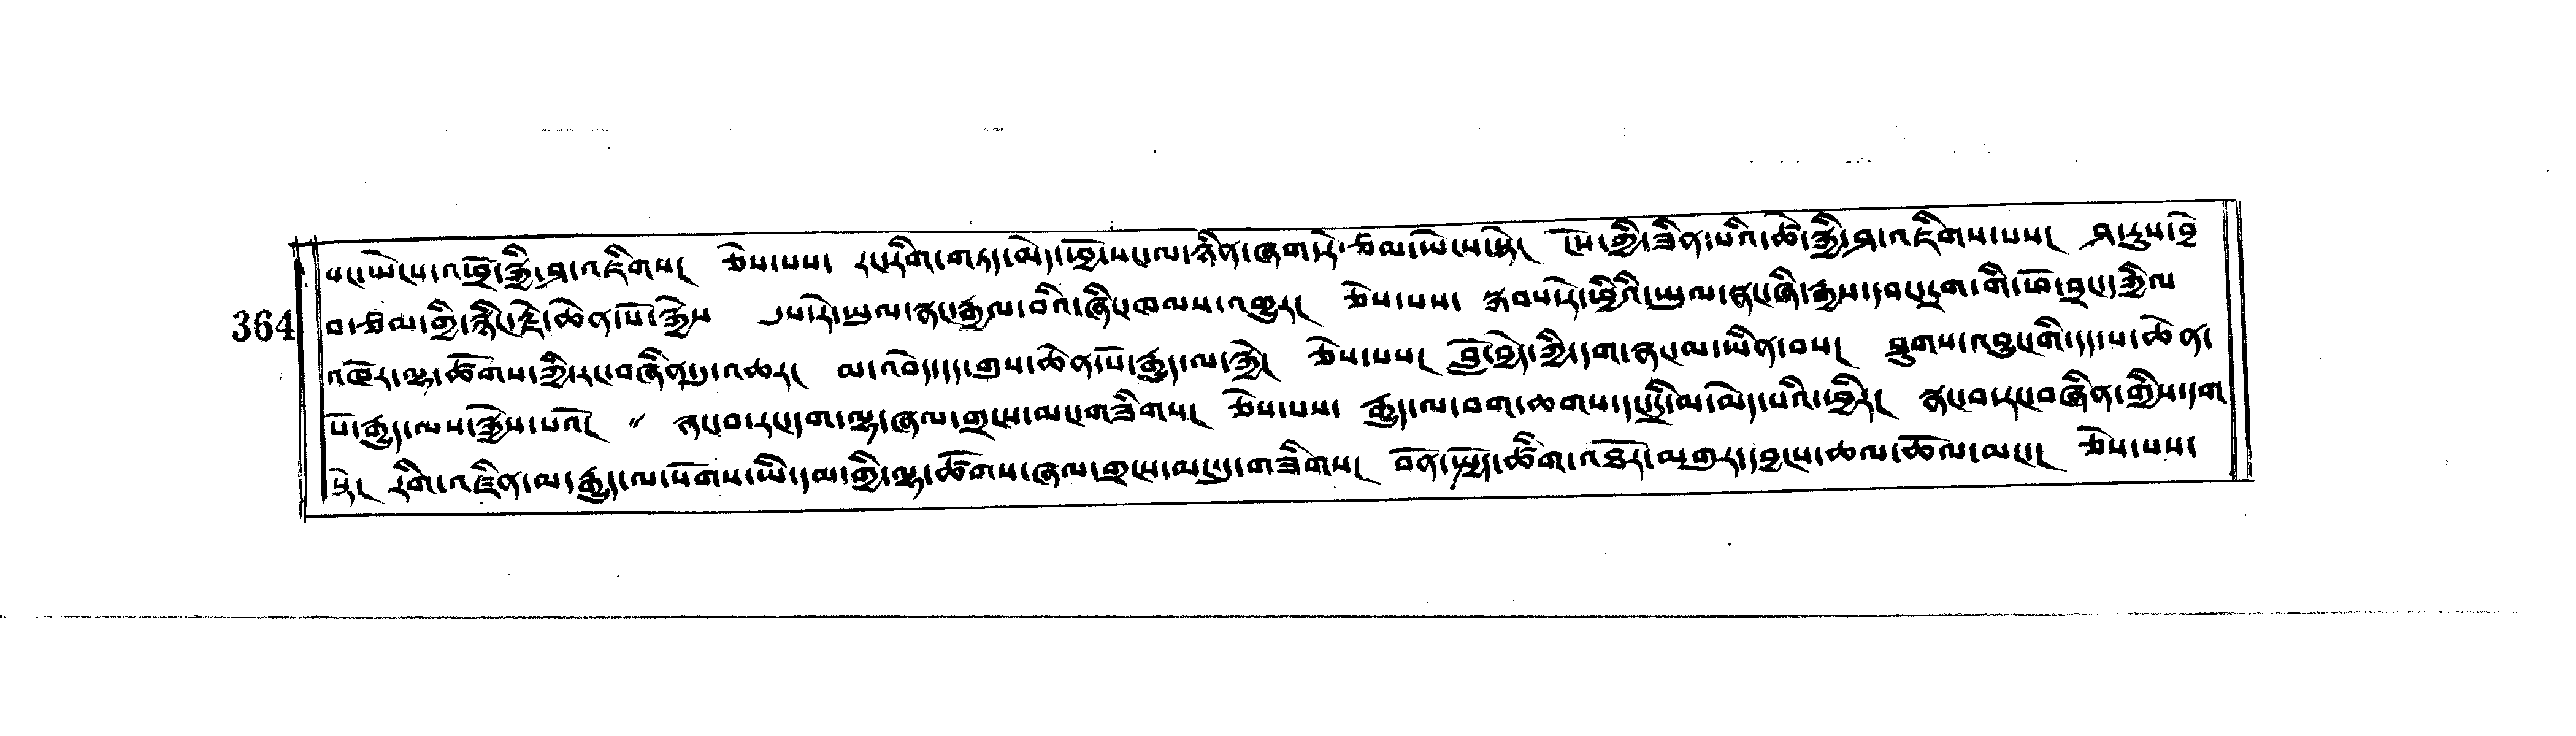ཡེངས་འཕྲོ་སྐྱི་ཤ་འཇིགས། ཅེས་པས། རང་རིག་གཏད་མེད་ཕྱོ་སང་ལ་ཉིན་ཞག་རེ་ཙམ་ཡེངས་ཏེ། ངོས་ཀྱི་ཟིན་པའི་ཚེ་སྐྱི་ཤ་འཇིགས་པས། ཤ་རུས་བྱེ་
བ་ཙམ་གྱི་སྙིང་རྗེ་ཆེན་པོ་སྐྱེས། དུས་རེ་ཡུལ་སྣང་རྒྱལ་བའི་ཞིང་ཁམས་འགྱུར། ཅེས་པས། སྐབས་རེ་ཕྱི་ཡི་ཡུལ་སྣང་ཞི་རྒྱས་དབང་དྲག་གི་ཕོ་བྲང་དཀྱིལ་
འཁོར་ལྷ་ཚོགས་ཀྱི་རང་བཞིན་དུ་འཆར། མ་འབད་དད་གུས་ཆེན་པོ་རྒྱུད་ལ་སྐྱེ། ཅེས་པས། བློ་བྱེད་ཀྱི་དག་སྣང་མ་ཡིན་པས་ཤུགས་འབྱུང་གི་དད་པ་ཆེན་
པོ་རྒྱུད་ལ་སྐྱེས་པའོ། ༧ སྣང་བ་རང་དག་ལྷ་ཞལ་གྲངས་མང་གཟིགས། ཅེས་པས། རྒྱུད་ལ་བག་ཆགས་དང་དྲི་མ་མེད་པའི་ཕྱིར། སྣང་བ་རང་བཞིན་གྱིས་དག་
སྟེ། རིག་འཛིན་མ་རྒྱུད་སོགས་ཡི་དམ་གྱི་ལྷ་ཚོགས་ཞལ་གྲངས་མང་དུ་གཟིགས། བོན་སྤྱོད་ཚིག་འཐོར་འགུར་དབྱངས་ཆལ་ཆོལ་མང་། ཅེས་པས།